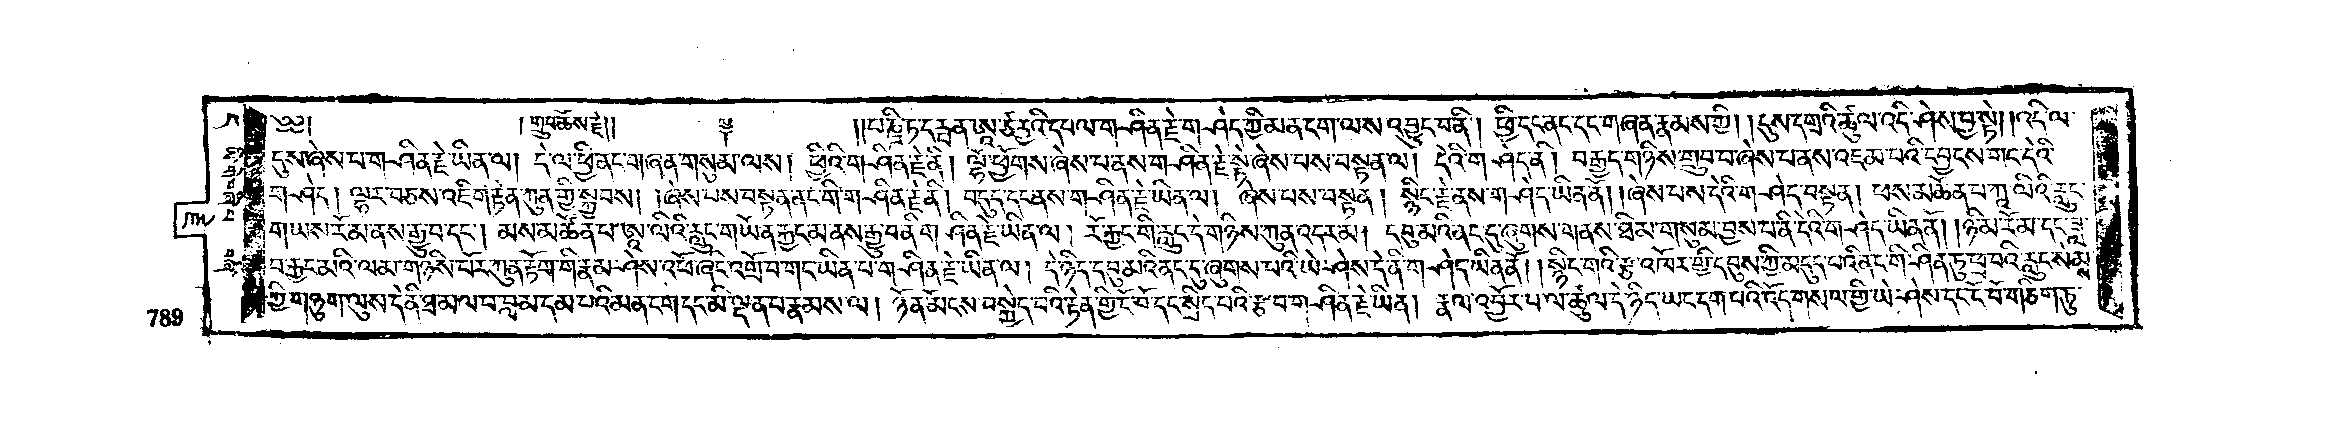༄༅། །གྲུབ་ཆོས་རྗེ།། ༈ །།པཎྜི་ཏ་དརྤན་ཨཱ་ཙ་རྱའི་དཔལ་གཤིན་རྗེ་གཤེད་ཀྱི་མན་ངག་ལས་འབྱུང་བ་ནི། ཕྱི་དང་ནང་དང་གཞན་རྣམས་ཀྱི། །དུས་དགྲའི་ཚུལ་འདི་ཤེས་བྱ་སྟེ། །འདི་ལ་
དུས་ཞེས་པ་གཤིན་རྗེ་ཡིན་ལ། དེ་ལ་ཕྱི་ནང་གཞན་གསུམ་ལས། ཕྱིའི་གཤིན་རྗེ་ནི། ལྷོ་ཕྱོགས་ཞེས་པ་ནས་གཤིན་རྗེ་སྟེ་ཞེས་པས་བསྟན་ལ། དེའི་གཤེད་ནི། བརྒྱད་གཉིས་གྲུབ་པ་ཞེས་པ་ནས་འཇམ་པའི་དབྱངས་གང་དེའི་
གཤེད། ལྷར་བཅས་འཇིག་རྟེན་ཀུན་གྱི་སྐྱབས། །ཞེས་པས་བསྟན་ནང་གི་གཤིན་རྗེ་ནི། བདུད་དང་ནས་གཤིན་རྗེ་ཡིན་ལ། ཞེས་པས་བསྟན། སྙིང་རྗེ་ནས་གཤེད་ཡིན་ནོ། །ཞེས་པས་དེའི་གཤེད་བསྟན། ཕས་མཚོན་པ་ཀཱ་ལིའི་རླུང་
གཡས་རོ་མ་ནས་རྒྱུ་བ་དང་། མས་མཚོན་པ་ཨཱ་ལིའི་རླུང་གཡོན་རྐྱང་མ་ནས་རྒྱུ་བ་ནི་གཤིན་རྗེ་ཡིན་ལ། རོ་རྐྱང་གི་རླུང་དེ་གཉིས་ཀུན་འདར་མ། དབུ་མའི་ནང་དུ་ཞུགས་གནས་ཐིམ་གསུམ་བྱས་པ་ནི་དེའི་གཤེད་ཡིན་ནོ། །ཉི་མ་རོ་མ་དང་ཟླ་
བ་རྐྱང་མའི་ལམ་གཉིས་པོར་ཀུན་རྟོག་གི་རྣམ་ཤེས་འཕོ་ཞིང་འགྲོ་བ་གང་ཡིན་པ་གཤིན་རྗེ་ཡིན་ལ། དེ་ཉིད་དབུ་མའི་ནང་དུ་ཞུགས་པའི་ཡེ་ཤེས་དེ་ནི་གཤེད་ཡིན་ནོ། །སྙིང་གའི་རྩ་འཁོར་གྱི་དབུས་ཀྱི་མདུད་པའི་ནང་གི་ཤིན་ཏུ་ཕྲ་བའི་རླུང་སེམས་
ཀྱི་གཉུག་ལུས་དེ་ནི་ཐ་མལ་བ་བླ་མ་དམ་པའི་མན་ངག་དང་མི་ལྡན་པ་རྣམས་ལ། ཉོན་མོངས་བསྐྱེད་པའི་རྟེན་གྱི་ངོ་བོ་དང་སྲིད་པའི་རྩ་བ་གཤིན་རྗེ་ཡིན། རྣལ་འབྱོར་པ་ལ་ཚུལ་དེ་ཉིད་ཡང་དག་པའི་འོད་གསལ་གྱི་ཡེ་ཤེས་དང་ངོ་བོ་གཅིག་ཏུ་